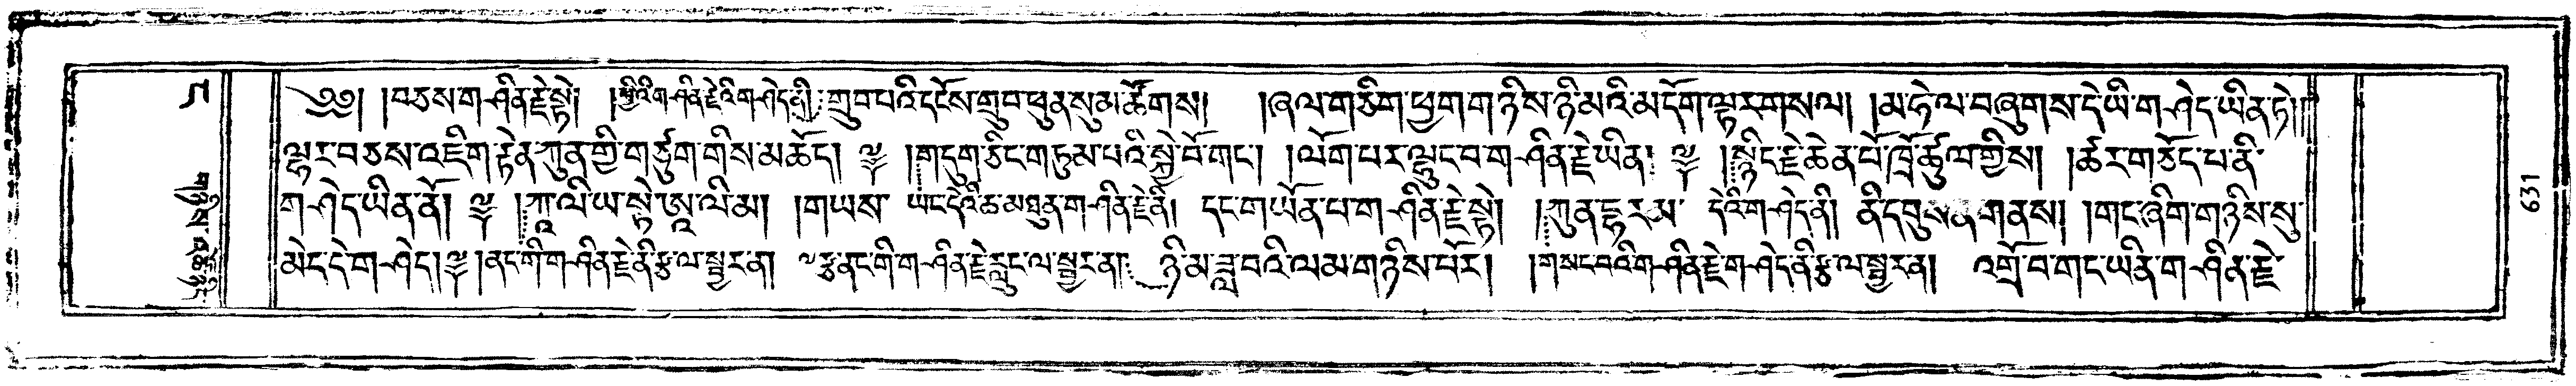༄༅། །བཅས་གཤིན་རྗེ་སྟེ། །ཕྱིའི་གཤིན་རྗེའི་གཤེད་ནི། གྲུབ་པའི་དངོས་གྲུབ་ཕུན་སུམ་ཚོགས། །ཞལ་གཅིག་ཕྱག་གཉིས་ཉི་མའི་མདོག་ལྟར་གསལ། །མ་ཧེ་ལ་བཞུགས་དེ་ཡི་གཤེད་ཡིན་ཏེ།
ལྷར་བཅས་འཇིག་རྟེན་ཀུན་གྱི་གཙུག་གིས་མཆོད། ༈ །གདུག་ཅིང་གཏུམ་པའི་སྐྱེ་བོ་གང་། །ལོག་པར་ལྷུང་བ་གཤིན་རྗེ་ཡིན། ༈ །སྙིང་རྗེ་ཆེན་པོ་ཁྲོ་ཚུལ་གྱིས། །ཚར་གཅོད་པ་ནི་
གཤེད་ཡིན་ནོ། ༈ །ཀཱ་ལི་ཡ་སྟེ་ཨཱ་ལི་མ། །གཡས་ཡང་དེའི་ཆ་མཐུན་གཤིན་རྗེ་ནི། དང་གཡོན་པ་གཤིན་རྗེ་སྟེ། །ཀུན་དྷར་མ་དེའི་གཤེད་ནི། ནི་དབུས་ན་གནས། །གང་ཞིག་གཉིས་སུ་
མེད་དེ་གཤེད། ༈ །ནང་གི་གཤིན་རྗེ་ནི་རྩ་ལ་སྦྱར་ན། ༈ རྩ་ནང་གི་གཤིན་རྗེ་རླུང་ལ་སྦྱར་ན། ཉི་མ་ཟླ་བའི་ལམ་གཉིས་པོར། །གསང་བའི་གཤིན་རྗེ་གཤེད་ནི་རྩ་ལ་སྦྱར་ན། འགྲོ་བ་གང་ཡིན་གཤིན་རྗེ་